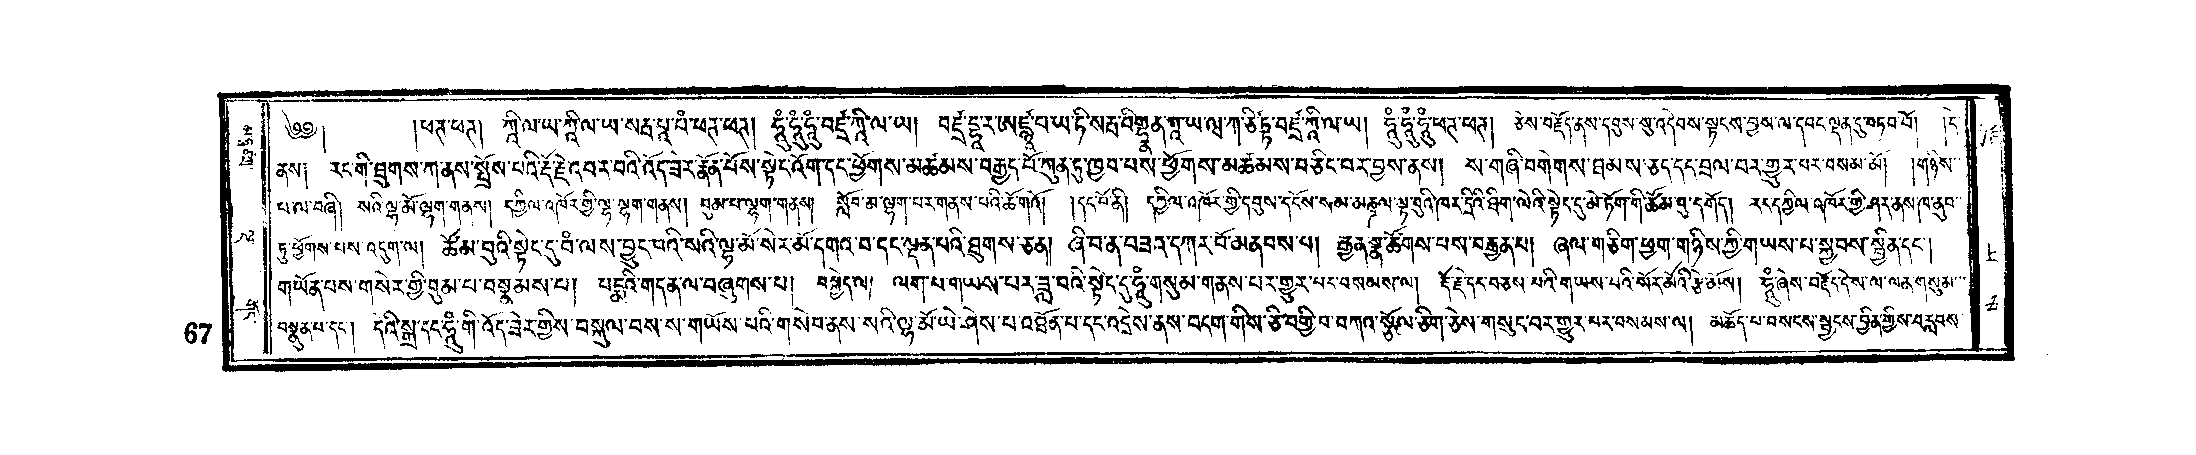༄༅། །ཕཊ་ཕཊ། ཀཱི་ལ་ཡ་ཀཱི་ལ་ཡ་སརྦ་པཱ་པཾ་ཕཊ་ཕཊ། ཧཱུཾ་ཧཱུཾ་ཧཱུཾ་བཛྲ་ཀཱི་ལ་ཡ། བཛྲ་དྷཱ་ར་ཨཛྙཱ་པ་ཡ་ཏི་སརྦ་བིགྷྣན་ཀཱ་ཡ་ཝ་ཀ་ཙིཏྟ་བཛྲ་ཀཱི་ལ་ཡ། ཧཱུཾ་ཧཱུཾ་ཧཱུཾ་ཕཊ་ཕཊ། ཅེས་བརྗོད་ནས་དབུས་སུ་འདེབས་སྟངས་བྱས་ལ་དབང་ལྡན་དུ་བཏབ་བོ། །དེ་
ནས། རང་གི་ཐུགས་ཀ་ནས་སྤྲོས་པའི་རྡོ་རྗེ་འབར་བའི་འོད་ཟེར་རྣོན་པོས་སྟེང་འོག་དང་ཕྱོགས་མཚམས་བརྒྱད་པོ་ཀུན་ཏུ་ཁྱབ་པས་ཕྱོགས་མཚམས་བཅིང་བར་བྱས་ནས། ས་གཞི་བགེགས་ཐམས་ཅད་དང་བྲལ་བར་གྱུར་པར་བསམ་མོ། །གཉིས་
པ་ལ་བཞི། སའི་ལྷ་མོ་ལྷག་གནས། དཀྱིལ་འཁོར་གྱི་ལྷ་ལྷག་གནས། བུམ་པ་ལྷག་གནས། སློབ་མ་ལྷག་པར་གནས་པའི་ཆོ་གའོ། །དང་པོ་ནི། དཀྱིལ་འཁོར་གྱི་དབུས་དངོས་སམ་མཎྜལ་ལྟ་བུའི་ཁར་དྲིའི་ཐིག་ལེའི་སྟེང་དུ་མེ་ཏོག་གི་ཚོམ་བུ་དགོད། རང་དཀྱིལ་འཁོར་གྱི་ཤར་ནས་ཁ་ནུབ་
ཏུ་ཕྱོགས་པས་འདུག་ལ། ཚོམ་བུའི་སྟེང་དུ་བཾ་ལས་བྱུང་བའི་སའི་ལྷ་མོ་སེར་མོ་དགའ་བ་དང་ལྡན་པའི་ཐུགས་ཅན། ཞི་བ་ན་བཟའ་དཀར་པོ་མནབས་པ། རྒྱན་སྣ་ཚོགས་པས་བརྒྱན་པ། ཞལ་གཅིག་ཕྱག་གཉིས་ཀྱི་གཡས་པ་སྐྱབས་སྦྱིན་དང་།
གཡོན་པས་གསེར་གྱི་བུམ་པ་བསྣམས་པ། པདམའི་གདན་ལ་བཞུགས་པ། བསྐྱེད་ལ། ལག་པ་གཡས་པར་ཟླ་བའི་སྟེང་དུ་ཧཱུཾ་གསུམ་གནས་པར་གྱུར་པར་བསམས་ལ། རྡོ་རྗེ་དང་བཅས་པའི་གཡས་པའི་སོར་མོའི་རྩེ་མོས། ཧཱུཾ་ཞེས་བརྗོད་དེ་ས་ལ་ལན་གསུམ་
བསྣུན་པ་དང་། དེའི་སྒྲ་དང་ཧཱུཾ་གི་འོད་ཟེར་གྱིས་བསྐུལ་བས་ས་གཡོས་པའི་གསེབ་ནས་སའི་ལྷ་མོ་ཡེ་ཤེས་པ་འཐོན་པ་དང་འདྲེས་ནས་བདག་གིས་ཅི་བགྱི་བ་བཀའ་སྩོལ་ཅིག་ཅེས་གསུང་པར་གྱུར་པར་བསམས་ལ། མཆོད་པ་བསངས་སྦྱངས་བྱིན་གྱིས་བརླབས་